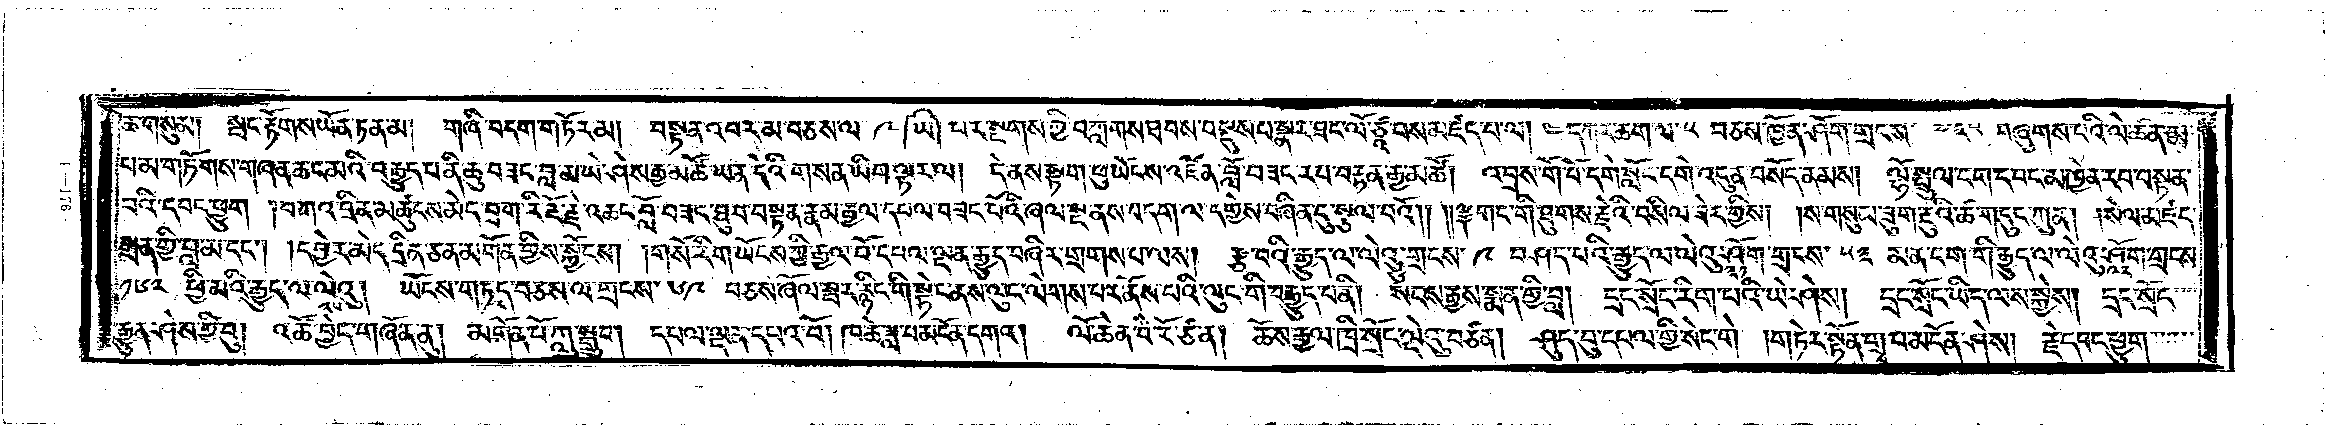ཆ་གསུམ། སྤང་རྟོགས་ཡོན་ཏན་མ། གཞི་བདག་གཏོར་མ། བསྟན་འབར་མ་བཅས་ལ ༩ ༼ཡ༽ པར་སྔགས་ཀྱི་བཀླགས་ཐབས་བསྡུས་པ་སྣར་ཐང་ལོ་ཙཱ་བས་མཛད་པ་ལ། ༤་དཀར་ཆག་ལ ༥་བཅས་ཁྱོད་ཤོག་གྲངས ༧༣༥་བཞུགས་པའི་ལེ་ཚན་མ་
པ་མ་གཏོགས་གཞན་ཆང་མའི་བརྒྱུད་པ་ནི་ཆུ་བཟང་བླ་མ་ཡེ་ཤེས་རྒྱ་མཚོ་ཡན་དེའི་གསན་ཡིག་ལྟར་ལ། དེ་ནས་སྟག་ཕུ་ཡོངས་འཛོན་བློ་བཟང་རབ་བརྟན་རྒྱ་མཚོ། འབྲས་གོ་བོ་དགེ་སློང་དགེ་འདུན་བསོད་ནམས། ལྷོ་སྤྲུལ་ངག་དབང་མཁྱེན་རབ་བསྟན་
པའི་དབང་ཕྱུག །བཀའ་དྲིན་མཚུངས་མེད་བྲག་རི་རྡོ་རྗེ་འཆང་བློ་བཟང་ཐུབ་བསྟན་རྣམ་རྒྱལ་དཔལ་བཟང་པོའི་ཞལ་སྦ་ནས་བདག་ལ་དགྱེས་བཞིན་དུ་སྩལ་བའོ།། །། ༈ གང་གི་ཐུགས་རྗེའི་བསིལ་ཟེར་གྱིས། །ས་གསུམ་ཟུག་རྡུའི་ཚ་གདུང་ཀུན། །སེལ་མཛད་
སྨན་གྱི་བླ་མ་དང་། །དབྱེར་མེད་དྲིན་ཅན་མགོན་གྱིས་སྐྱོངས། །གསོ་རིག་ཡོངས་གྱི་རྒྱལ་བོ་དཔལ་ལྡན་རྒྱུད་བཞིར་གྲགས་པ་ལས། རྩ་བའི་རྒྱུད་ལ་ལེའུ༦་གྲངས ༩་བཤད་པའི་རྒྱུད་ལ་ལེའུ ༣༡་ཤོག་གྲངས ༥༣་མན་ངག་གི་རྒྱུད་ལ་ལེའུ ༢༢་ཤོག་གྲངས་
༡༦༢་ཕྱི་མའི་རྒྱུད་ལ་ལེའུ༢༥། ཡོངས་གཏད༢་བཅས་ལ་གྲངས ༦༩་བཅས་ཞོལ་སྦར་རྙིང་གི་སྟེང་ནས་ལུང་ལེགས་པར་ནོས་པའི་ལུང་གི་བརྒྱུད་བ་ནི། སངས་རྒྱས་སྨན་གྱི་བླ། དྲང་སྲོང་རིག་པའི་ཡེ་ཤེས། དྲང་སྲོང་ཡིད་ལས་སྐྱེས། དྲང་སྲོང་
རྒྱུན་ཤེས་ཀྱི་བུ། འཚོ་བྱེད་གཞོན་ནུ། མགོན་པོ་ཀླུ་སྒྲུབ། དཔལ་ལྡན་དཔའ་བོ། ཁ་ཆེ་ཟླ་བ་མངོན་དགའ། ལོ་ཆེན་བཻ་རོ་ཙ་ན། ཆོས་རྒྱལ་ཁྲི་སྲོང་ལྡེའུ་བཙན། ཤུད་བུ་དཔལ་གྱི་སེང་གེ །གཏེར་སྟོན་གྲྭ་བ་མངོན་ཤེས། རྗེ་དབང་ཕྱུག་